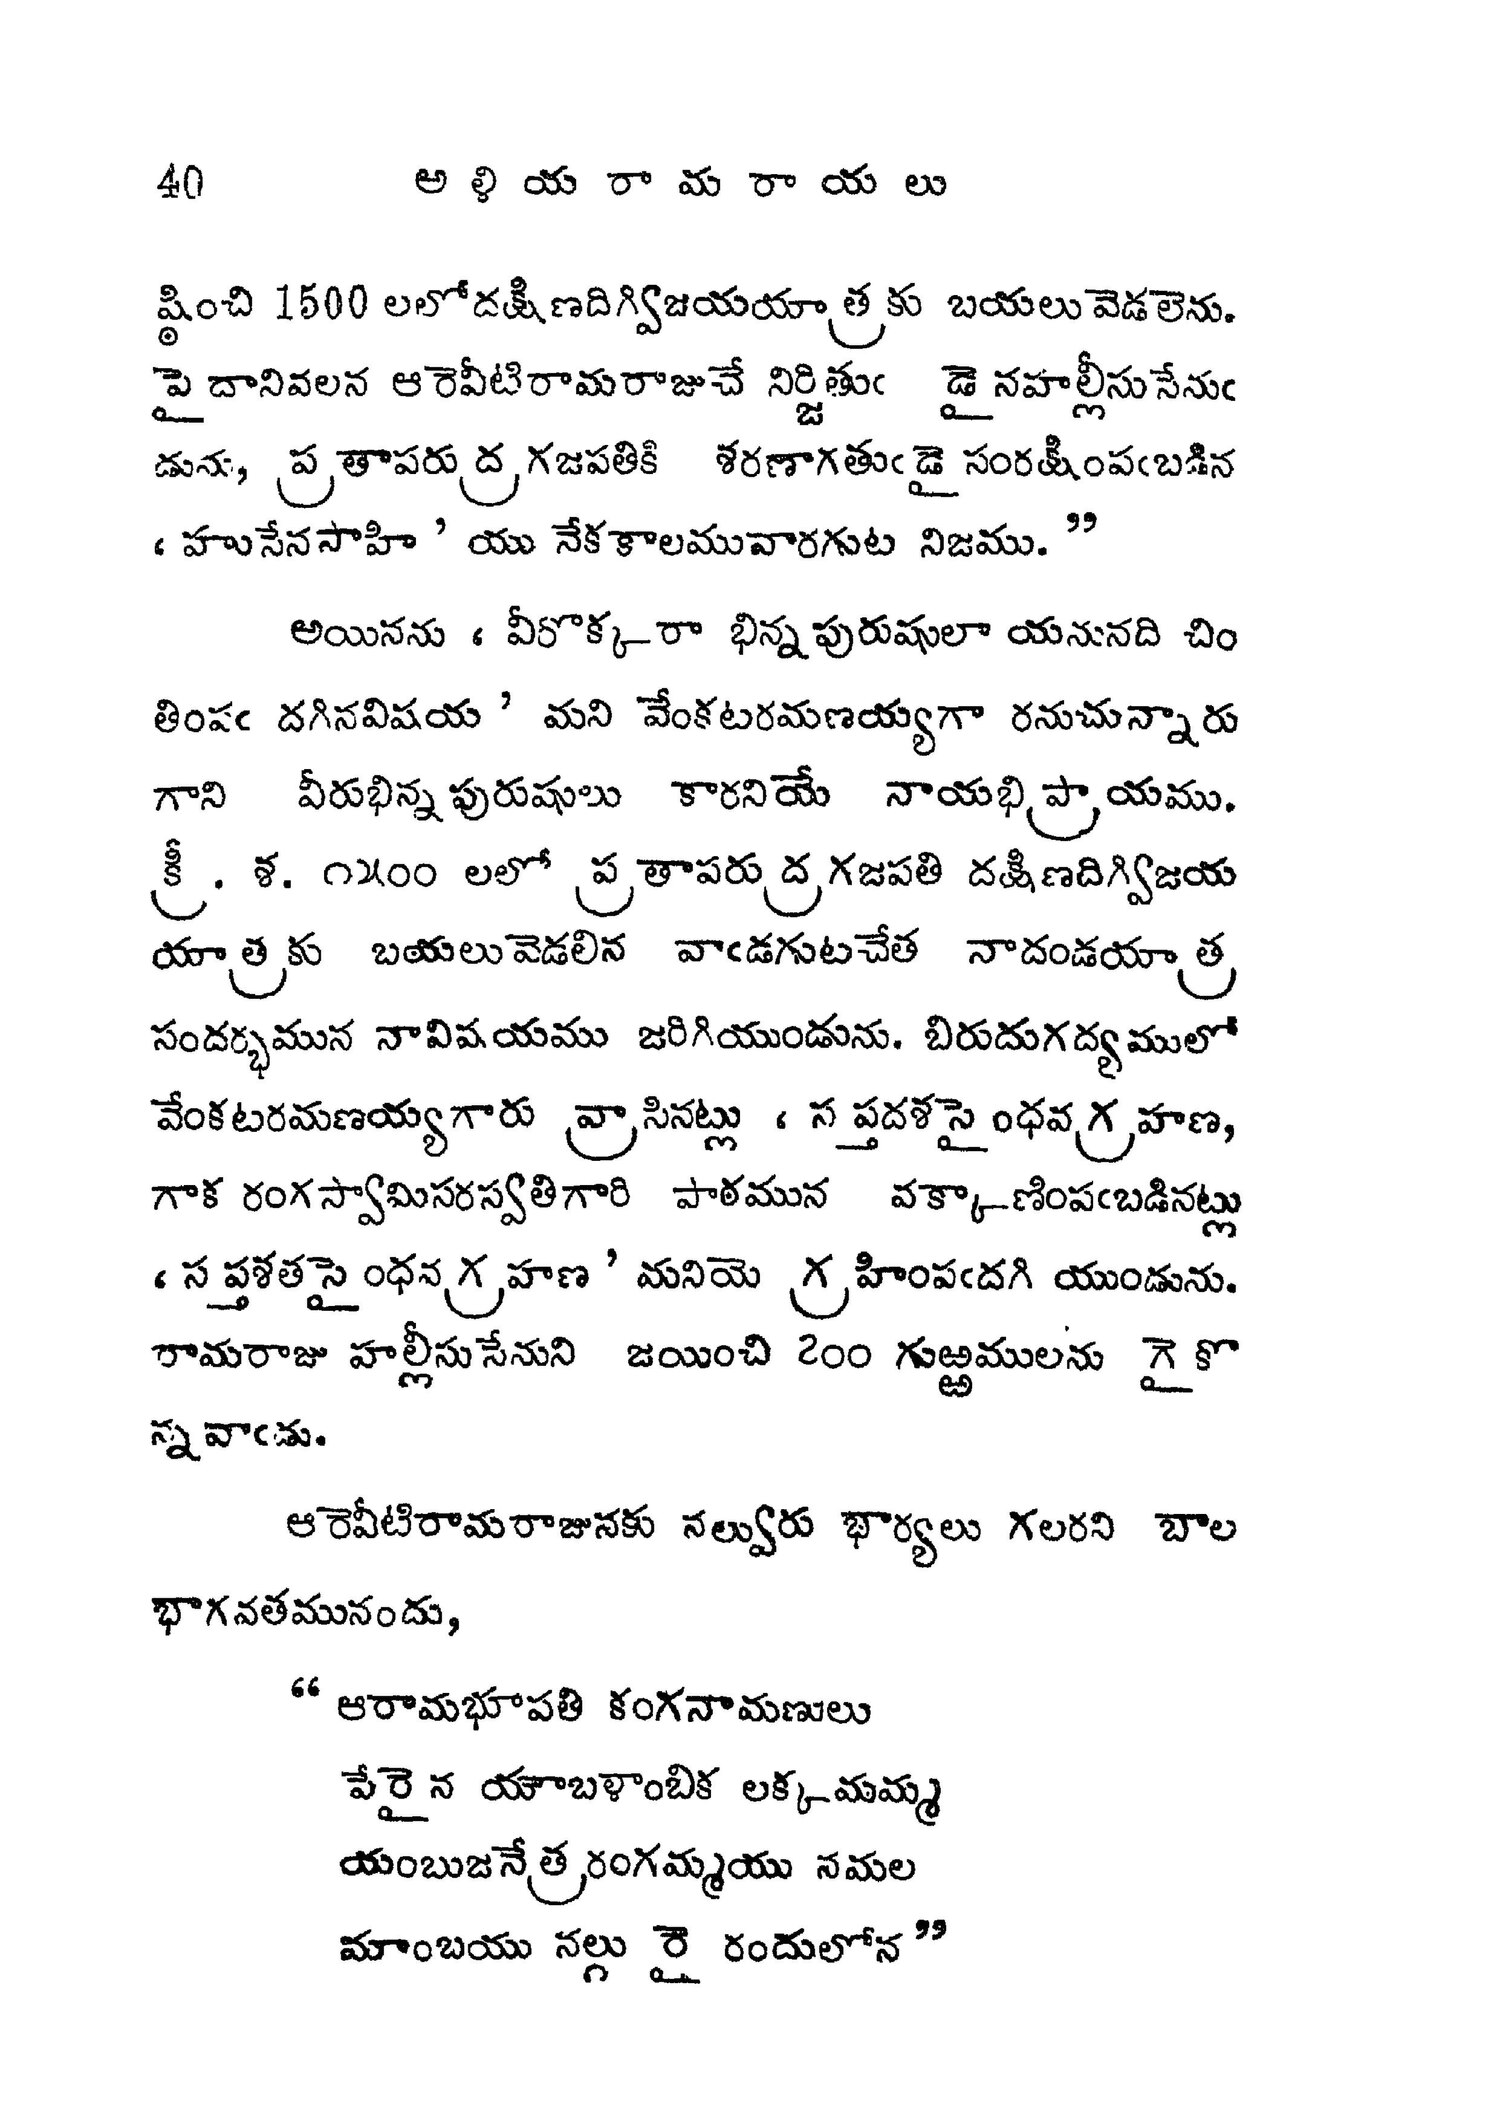ష్ఠించి 1500 లలో దక్షిణదిగ్విజయయాత్రకు బయలు వెడలెను. పైదానివలన ఆరెవీటిరామరాజుచే నిర్జితు డైనహల్లీసుసేనుడును, ప్రతాపరుద్రగజపతికి శరణాగతుడై సంరక్షింపబడిన 'హుసేనసాహి'యు నేకకాలమువారగుట నిజము."

అయినను 'వీరొక్కరా భిన్నపురుషులా యనునది చింతింప దగినవిషయ' మని వేంకటరమణయ్యగా రనుచున్నారు గాని వీరుభిన్నపురుషులు కారనియే నాయభిప్రాయము. క్రీ. శ. 1500 లలో ప్రతాపరుద్రగజపతి దక్షిణదిగ్విజయయాత్రకు బయలువెడలిన వాడగుటచే నాదండయాత్ర సందర్భమున నావిషయము జరిగియుండును. బిరుదుగద్యములో వేంకటరమణయ్యగారు వ్రాసినట్లు 'సప్తదశసైంధవగ్రహణ' గాక రంగస్వామిసరస్వతిగారి పాఠమున వక్కాణింపబడినట్లు 'సప్తశతసైంధవగ్రహణ' మనియె గ్రహింపదగి యుండును. రామరాజు హల్లీసుసేనుని జయించి 700 గుఱ్ఱములను గైకొన్నవాడు.

ఆరెవీటిరామరాజునకు నల్వురు భార్యలు గలరని బాలభాగవతమునందు,

 "ఆరామభూపతి కంగనామణులు
 పేరైన యౌబళాంబిక లక్కమమ్మ
 యంబుజనేత్రరంగమ్మయు నమల
 మాంబయు నల్గు రై రందులోన"